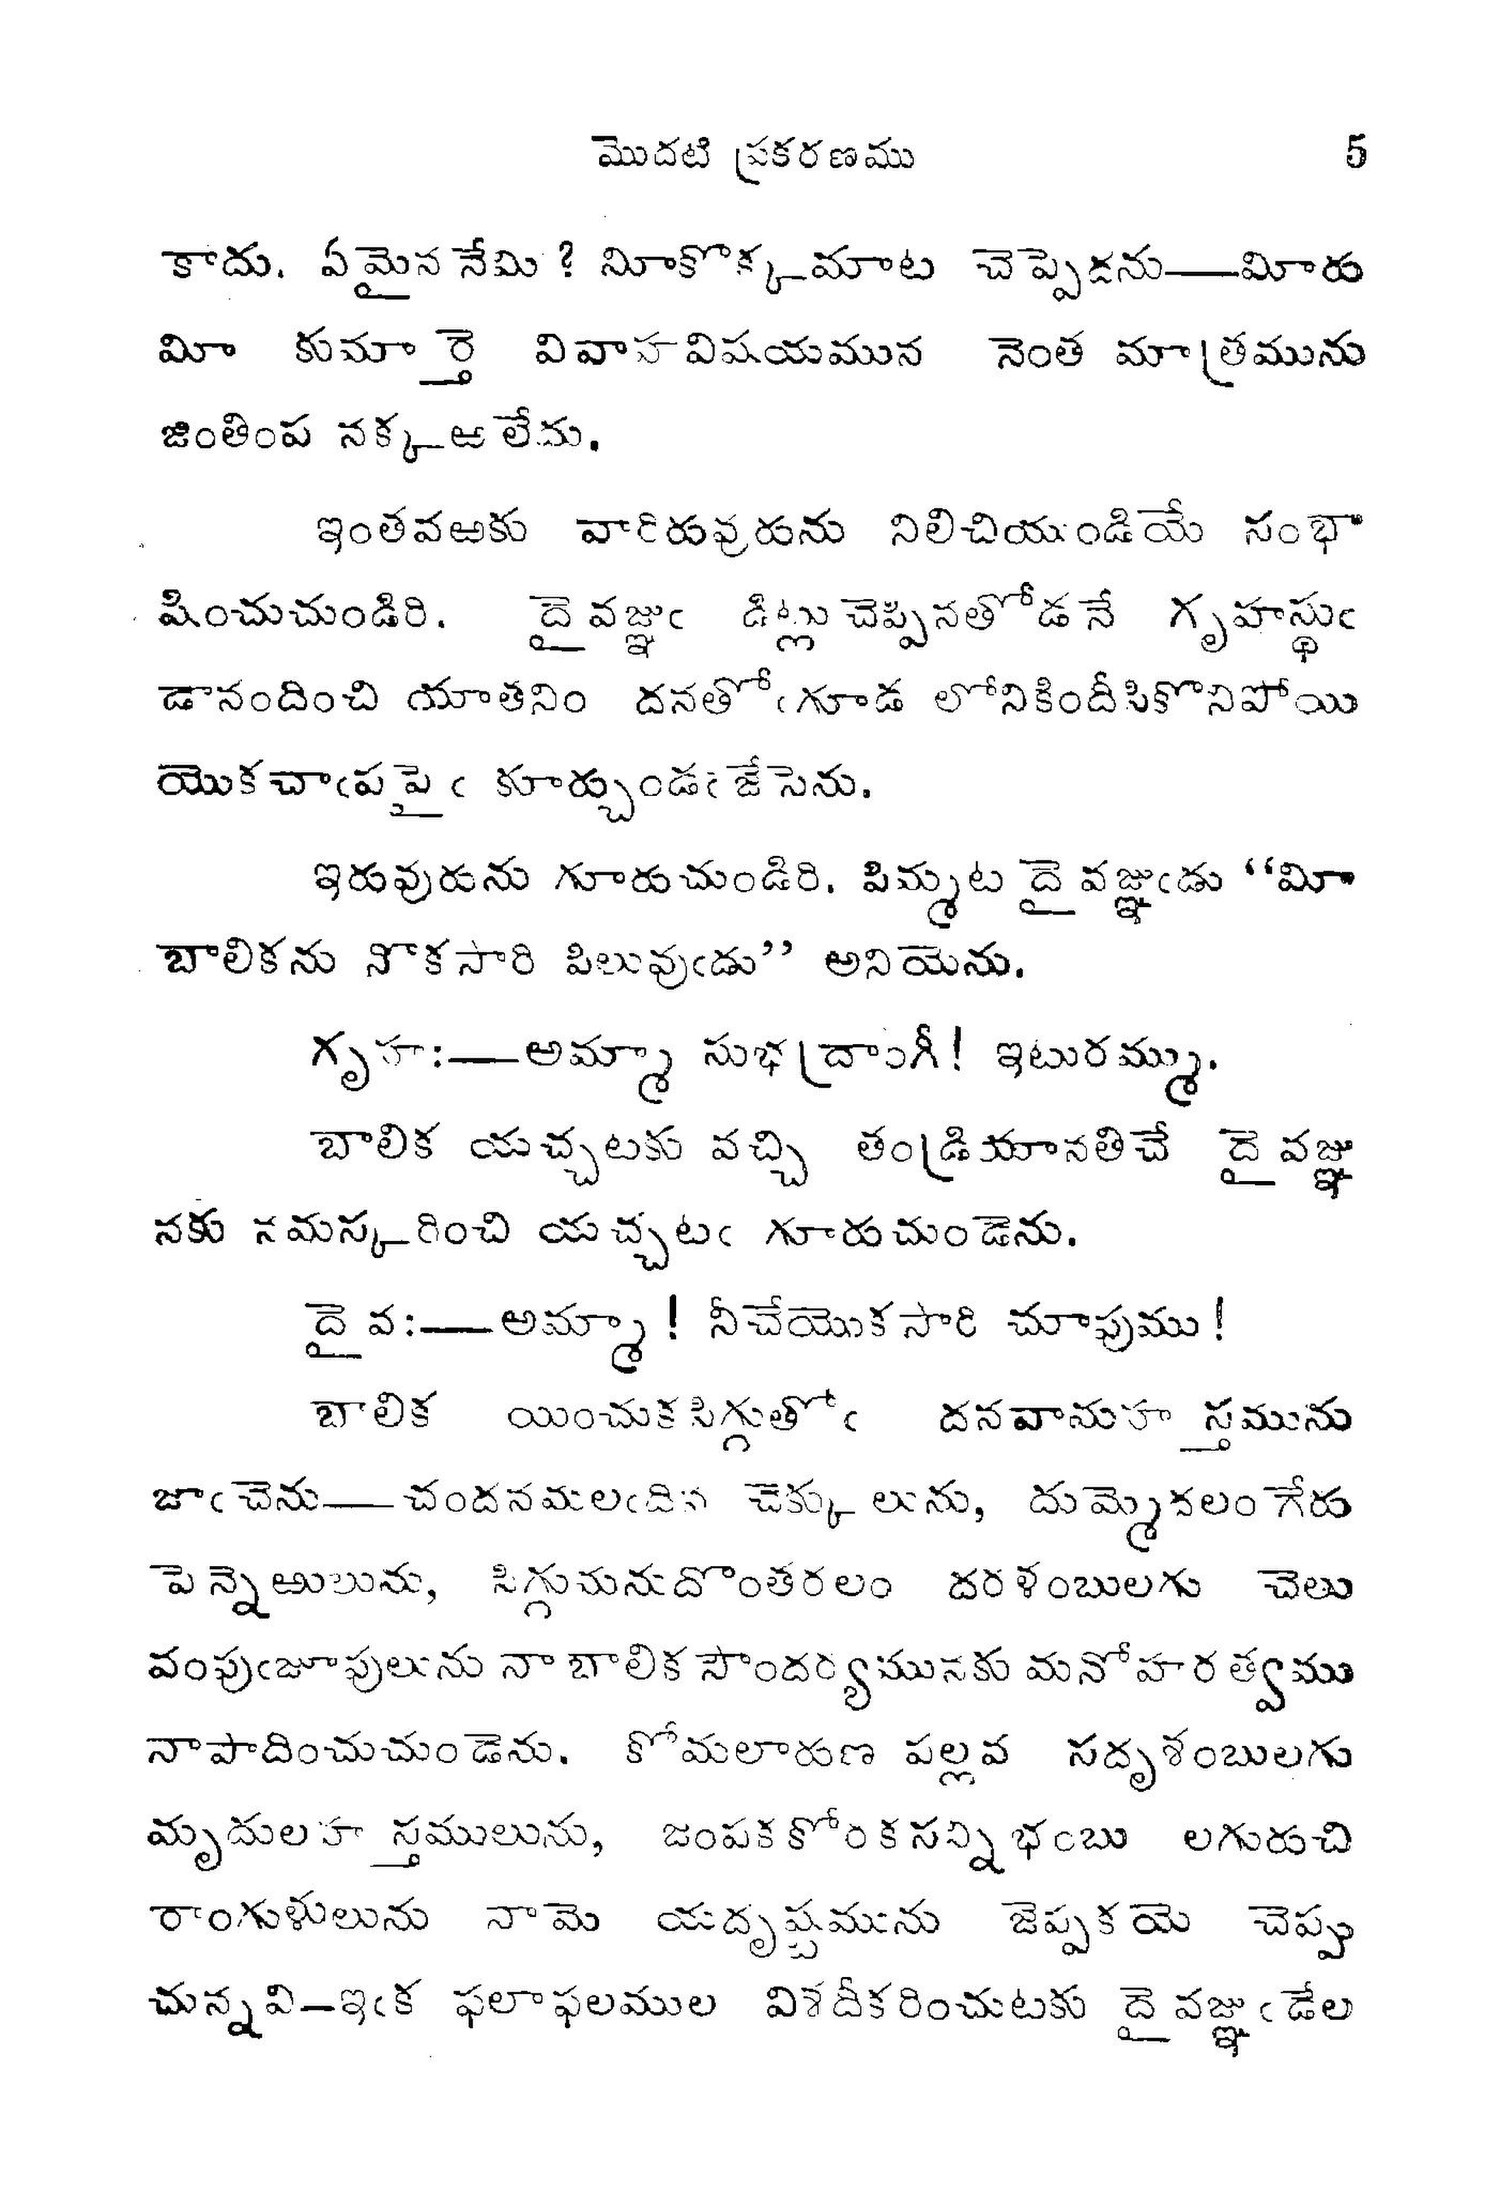కాదు. ఏమైన నేమి? మీకొక్కమాట చెప్పెదను—— మీరు కుమార్తె వివాహ విషయమున నెంత మాత్రమును జింతింప నక్కఱ లేదు.

ఇంతవఱకు వారిరువురును నిలిచియుండియే సంభాషించుచుండిరి. 'దైవజ్ఞుఁ డిట్లు చెప్పినతోడనే గృహస్థుఁ డానందించి యాతనిం దనతోఁ గూడ లోనికిందీసికొనిపోయి యొక చాఁపపైఁ కూర్చుండఁ జేసెను.

ఇరువురును గూరుచుండిరి. పిమ్మట దైవజ్ఞుఁడు “మీ బాలికను నొకసారి పిలువుఁడు” అనియెను.

గృహ:- అమ్మా సుభద్రాంగీ ! ఇటురమ్ము.

బాలిక యచ్చటకు వచ్చి తండ్రి యానతిచే దైవజ్ఞునకు నమస్కరించి యచ్చటఁ గూరుచుండెను.

దైవ:— అమ్మా ! నీచేయొక సారి చూపుము !

బాలిక యించుక సిగ్గుతోఁ దనవామహస్తమును జాఁచెను——చందనమలఁదిన చెక్కులును, దుమ్మెదలం గేరు పెన్నెఱులును, సిగ్గుమను దొంతరలం దరళంబులగు చెలు వంపుఁజూపులును నా బాలిక సౌందర్యమునకు మనోహరత్వము నాపాదించుచుండెను. కోమలారుణ పల్లవ సదృశంబులగు మృదుల హస్తములును, జంపక కోరక సన్నిభంబు లగురుచి రాంగుళులును నామె యదృష్టమును జెప్పకయె చెప్పుచున్నవి. ఇక ఫలా ఫలముల విశదీకరించుటకు దైవజ్ఞుఁడేల